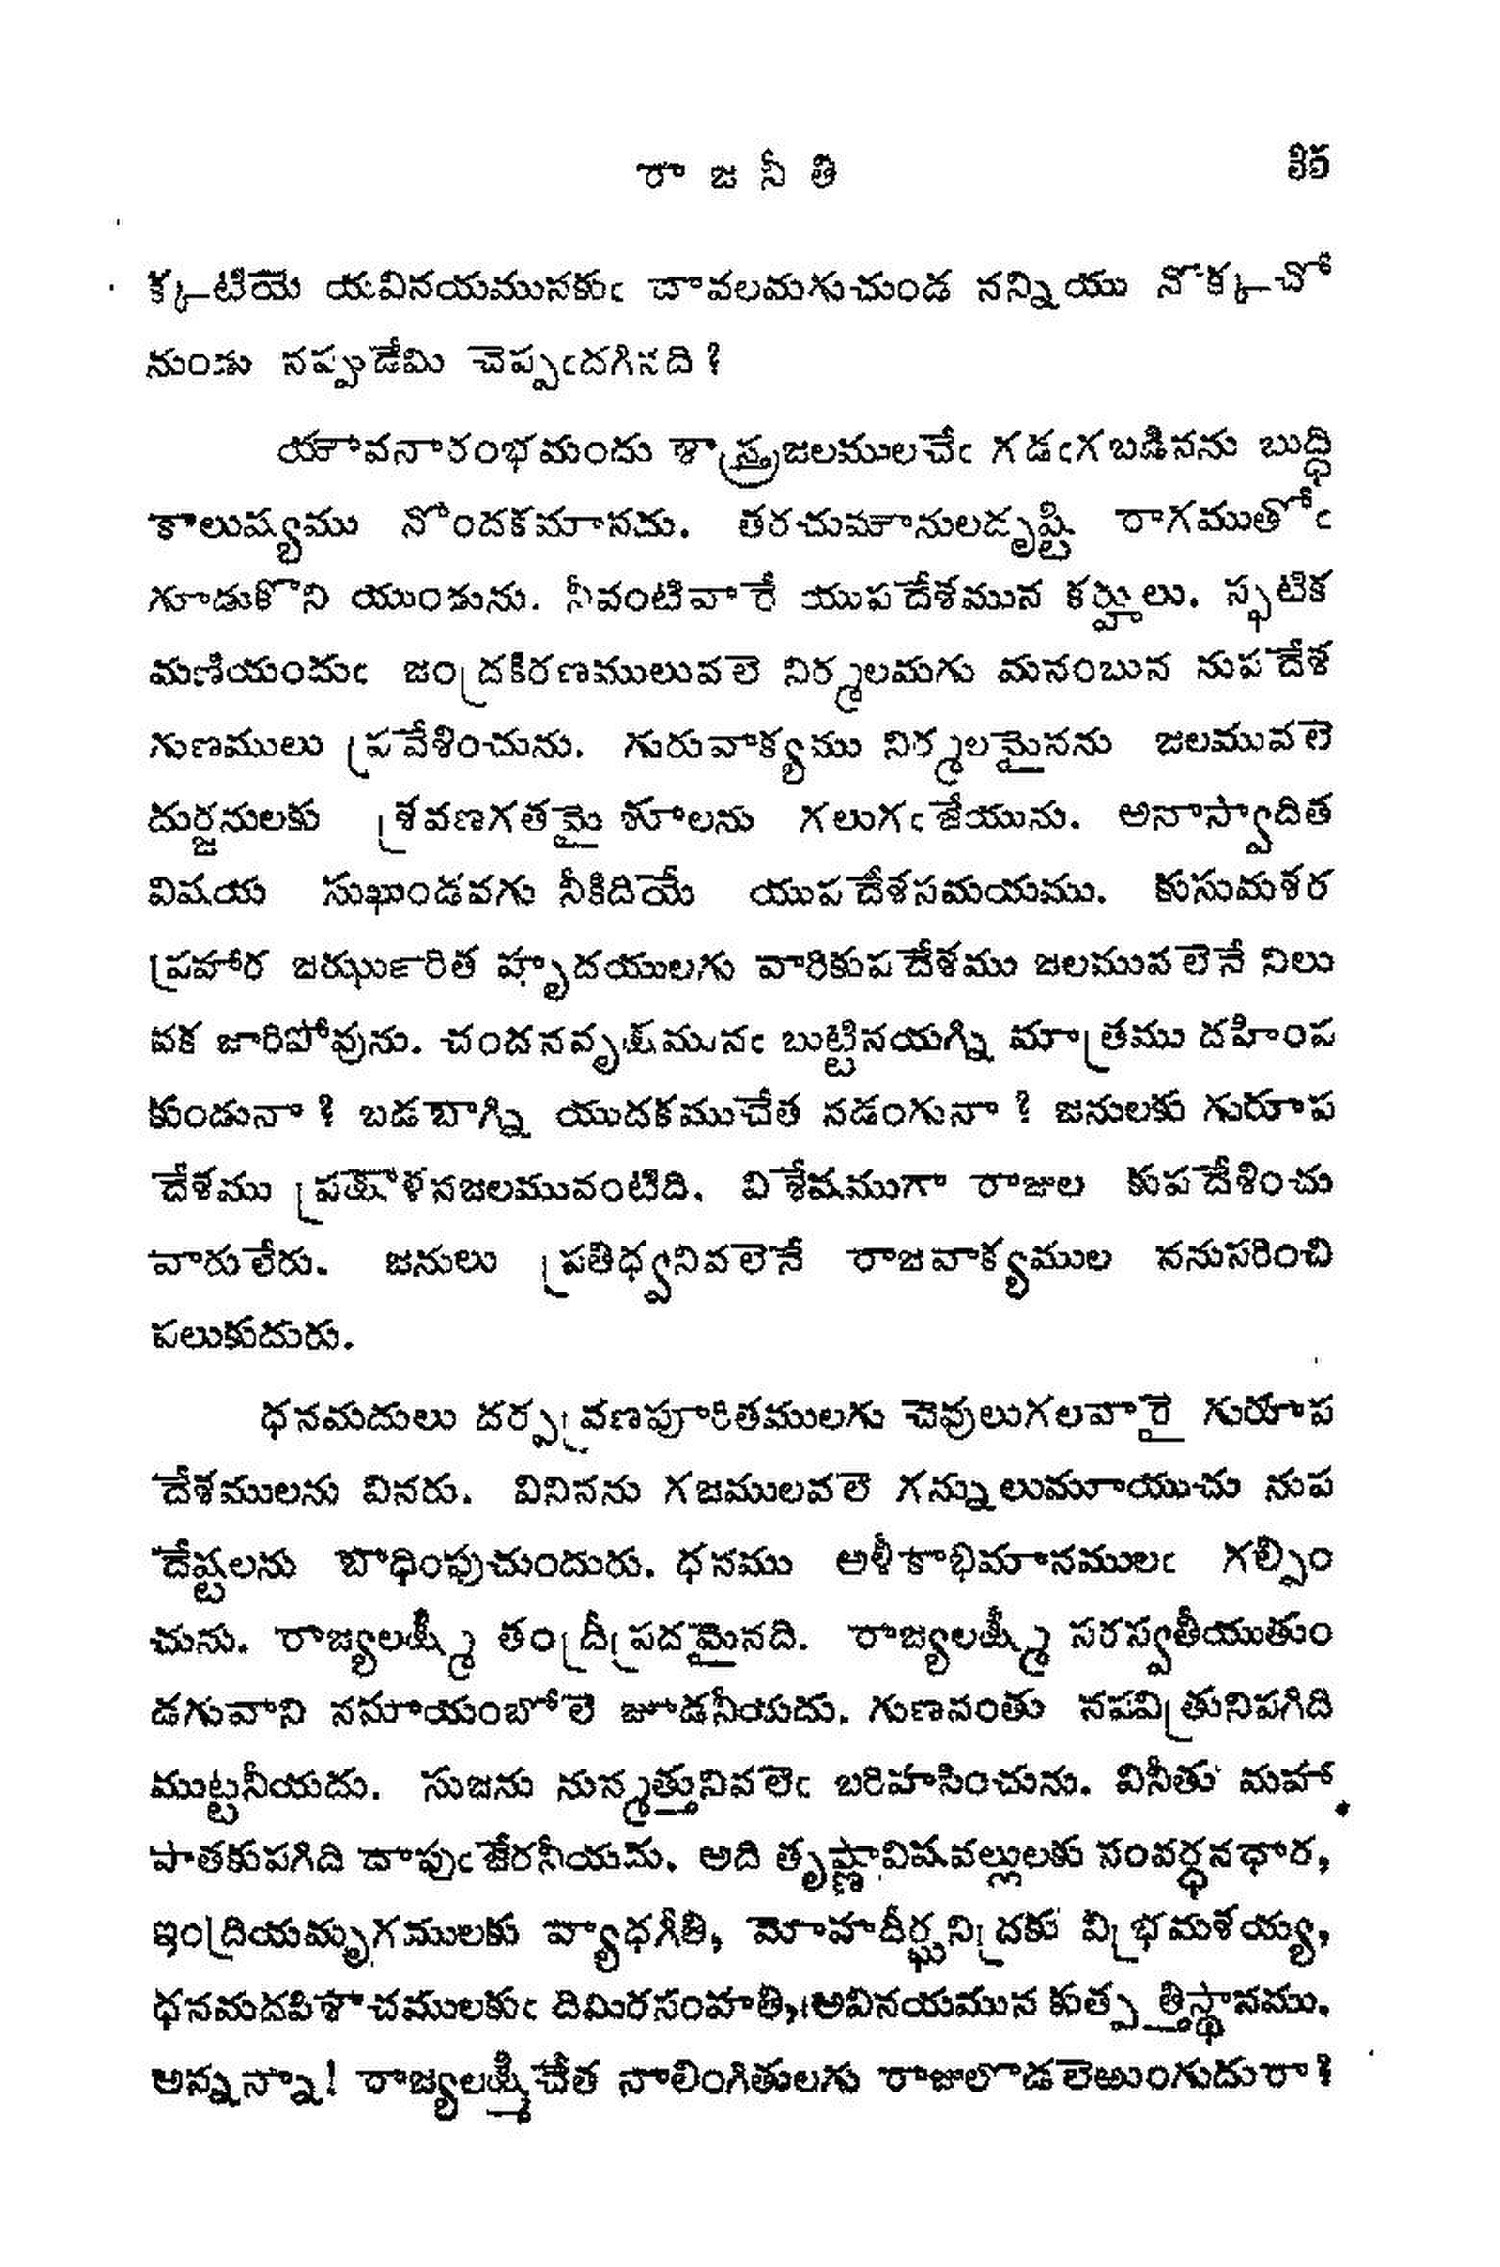క్కటియె యవినయమునకుఁ దావలమగుచుండ నన్నియు నొక్కచో నుండు నప్పుడేమి చెప్పఁదగినది?

యౌవనారంభమందు శాస్త్రజలములచేఁ గడఁగబడినను బుద్ధికాలుష్యము నొందకమానదు. తరచుమౌనులదృష్టి రాగముతోఁ గూడుకొని యుండును. నీవంటివారే యుపదేశమున కర్హులు. స్ఫటికమణియందుఁ జంద్రకిరణములువలె నిర్మలమగు మనంబున నుపదేశ గుణములు ప్రవేశించును. గురువాక్యము నిర్మలమైనను జలమువలె దుర్జనులకు శ్రవణగతమై శూలను గలుగఁజేయును. అనాస్వాదిత విషయ సుఖుండవగు నీకిదియే యుపదేశసమయము. కుసుమశర ప్రహార జఝు౯రిత హృదయులగు వారికుపదేశము జలమువలెనే నిలువక జారిపోవును. చందనవృక్షమునఁ బుట్టినయగ్ని మాత్రము దహింప కుండునా? బడబాగ్ని యుదకముచేత నడంగునా? జనులకు గురూప దేశము ప్రక్షాళనజలమువంటిది. విశేషముగా రాజుల కుపదేశించు వారులేరు. జనులు ప్రతిధ్వనివలెనే రాజవాక్యముల ననుసరించి పలుకుదురు.

ధనమదులు దర్పవ్రణపూరితములగు చెవులుగలవారై గురూప దేశములను వినరు. వినినను గజములవలె గన్నులుమూయుచు నుపదేష్టలను బాధింపుచుందురు. ధనము ఆళూకాభిమానములఁ గల్పించును. రాజ్యలక్ష్మి తంద్రీప్రదమైనది. రాజ్యలక్ష్మి సరస్వతీయుతుండగువాని నసూయంబోలె జూడనీయదు. గుణవంతు నపవిత్రునిపగిది ముట్టనీయదు. సుజను నున్మత్తునివలెఁ బరిహసించును. వినీతు మహాపాతకుపగిది దాపుఁజేరనీయదు. అది తృష్ణావిషవల్లులకు సంవర్ధనధార, ఇంద్రియమృగములకు వ్యాధగీతి, మోహదీర్ఘనిద్రకు విభ్రమశయ్య, ధనమదపిశాచములకుఁ దిమిరసంహతి, అవినయమున కుత్పత్తిస్థానము. అన్నన్నా! రాజ్యలక్ష్మిచేత నాలింగితులగు రాజులొడలెఱుంగుదురా?